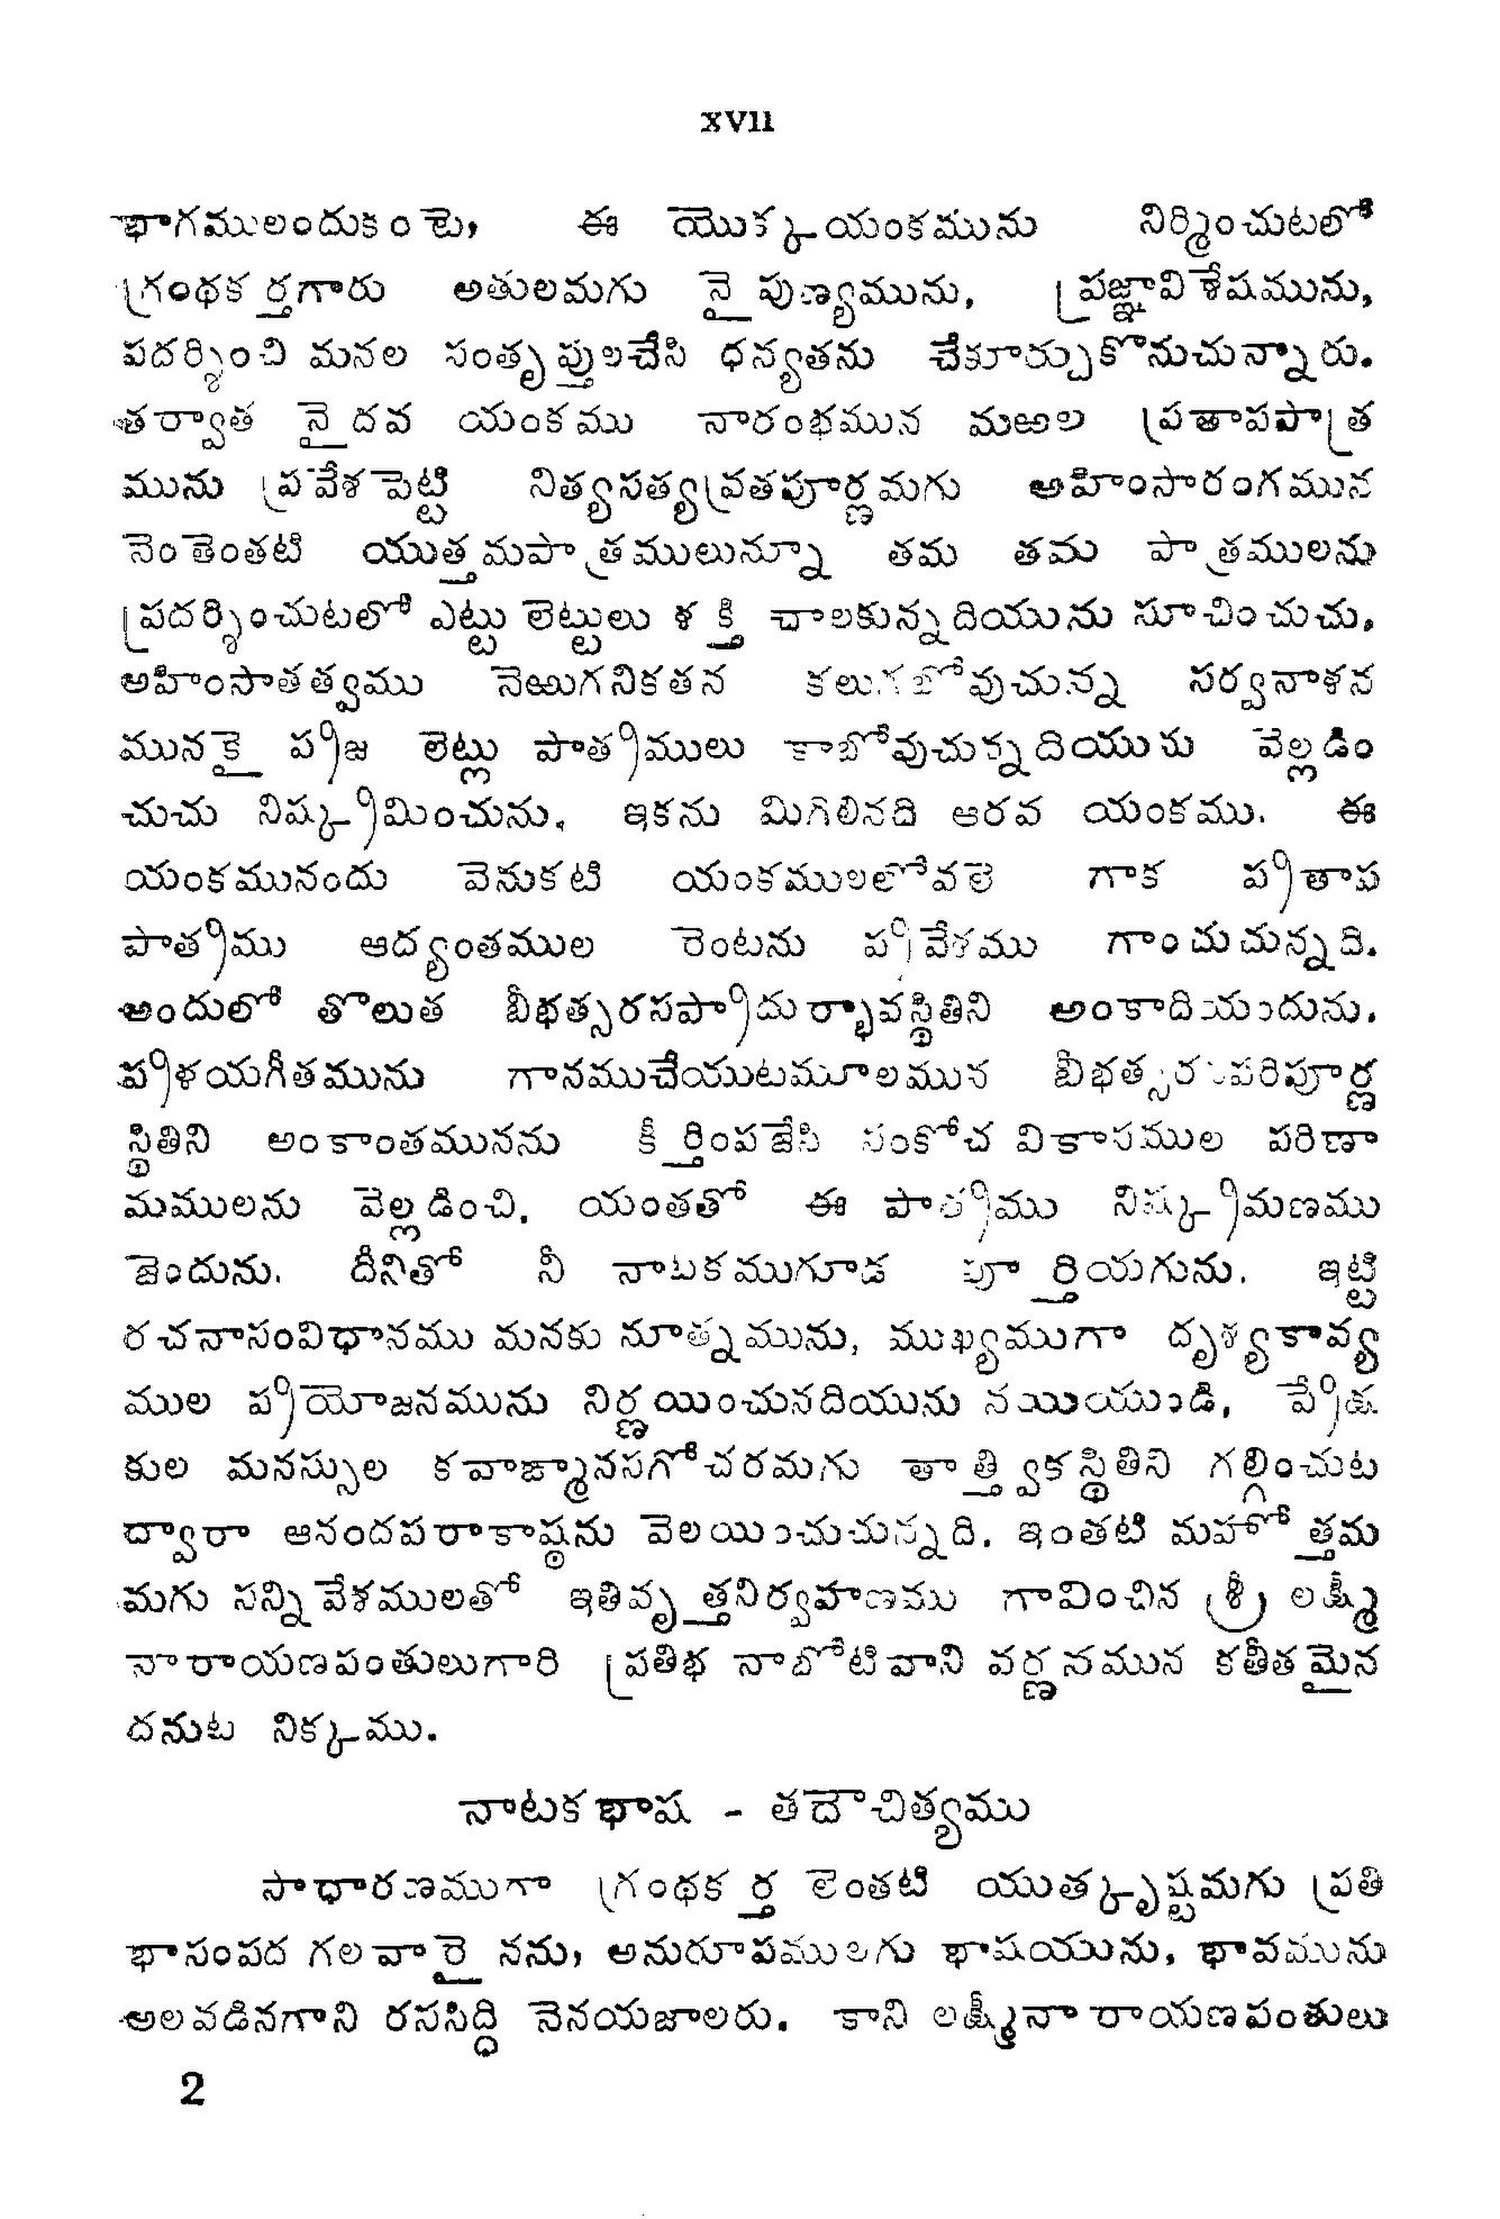భాగములందుకంటె, ఈ యొక్కయంకమును నిర్మించుటలో గ్రంథకర్తగారు అతులమగు నైపుణ్యమును, ప్రజ్ఞావిశేషమును, పదర్శించి మనల సంతృప్తులచేసి ధన్యతను చేకూర్చుకొను చున్నారు. తర్వాత నైదవ యంకము నారంభమున మఱల ప్రతాపపాత్రమును ప్రవేశపెట్టి నిత్యసత్యవ్రతపూర్ణమగు అహింసారంగమున నెంతెంతటి యుత్తమపాత్రములున్నూ తమ తమ పాత్రములను ప్రదర్శించుటలో ఎట్టు లెట్టులు శక్తి చాలకున్నదియును సూచించుచు,
అహింసాతత్వము నెఱుగనికతన కలుగబోవుచున్న సర్వనాశనమునకై ప్రజ లెట్లు పాత్రములు కాబోవుచున్నదియును వెల్లడించుచు నిష్క్రమించును. ఇకను మిగిలినది ఆరవ యంకము, ఈ 
యంకమునందు వెనుకటి యంకములలోవలె గాక ప్రతాపపాత్రము ఆద్యంతముల రెంటను ప్రవేశము గాంచుచున్నది. అందులో తొలుత బీభత్సరసప్రాదుర్భావస్థితిని అంకాదియందును. ప్రళయగీతమును గానముచేయుటమూలమున బీభత్సరనిపరిపూర్ణ స్థితిని అంకాంతమునను కీర్తింపజేసి సంకోచ వికాసముల పరిణామములను వెల్లడించి, యంతతో ఈ పాత్రము నిష్క్రమణము జెందును. దీనితో నీ నాటకముగూడ పూర్తియగును. ఇట్టి రచనాసంవిధానము మనకు నూత్నమును, ముఖ్యముగా దృశ్యకావ్యముల ప్రయోజనమును నిర్ణయించునదియును నయియుండి, ప్రేక్షకుల మనస్సుల కవాజ్మానసగోచరమగు తాత్త్విక స్థితిని గల్గించుట ద్వారా ఆనందపరాకాష్ఠను వెలయించుచున్నది. ఇంతటి మహోత్తమమగు సన్ని వేశములతో ఇతివృత్తనిర్వహణము గావించిన శ్రీ లక్ష్మినారాయణ పంతులుగారి ప్రతిభ నాబోటివాని వర్ణనమున కతీతమైన దనుట నిక్కము.

సాధారణముగా గ్రంథకర్త లెంతటి యుత్కృష్టమగు ప్రతిభాసంపద గలవారై నను, అనురూపములగు భాషయును, భావమును అలవడినగాని రససిద్ధి నెనయజాలరు. కాని లక్ష్మీనారాయణపంతులు